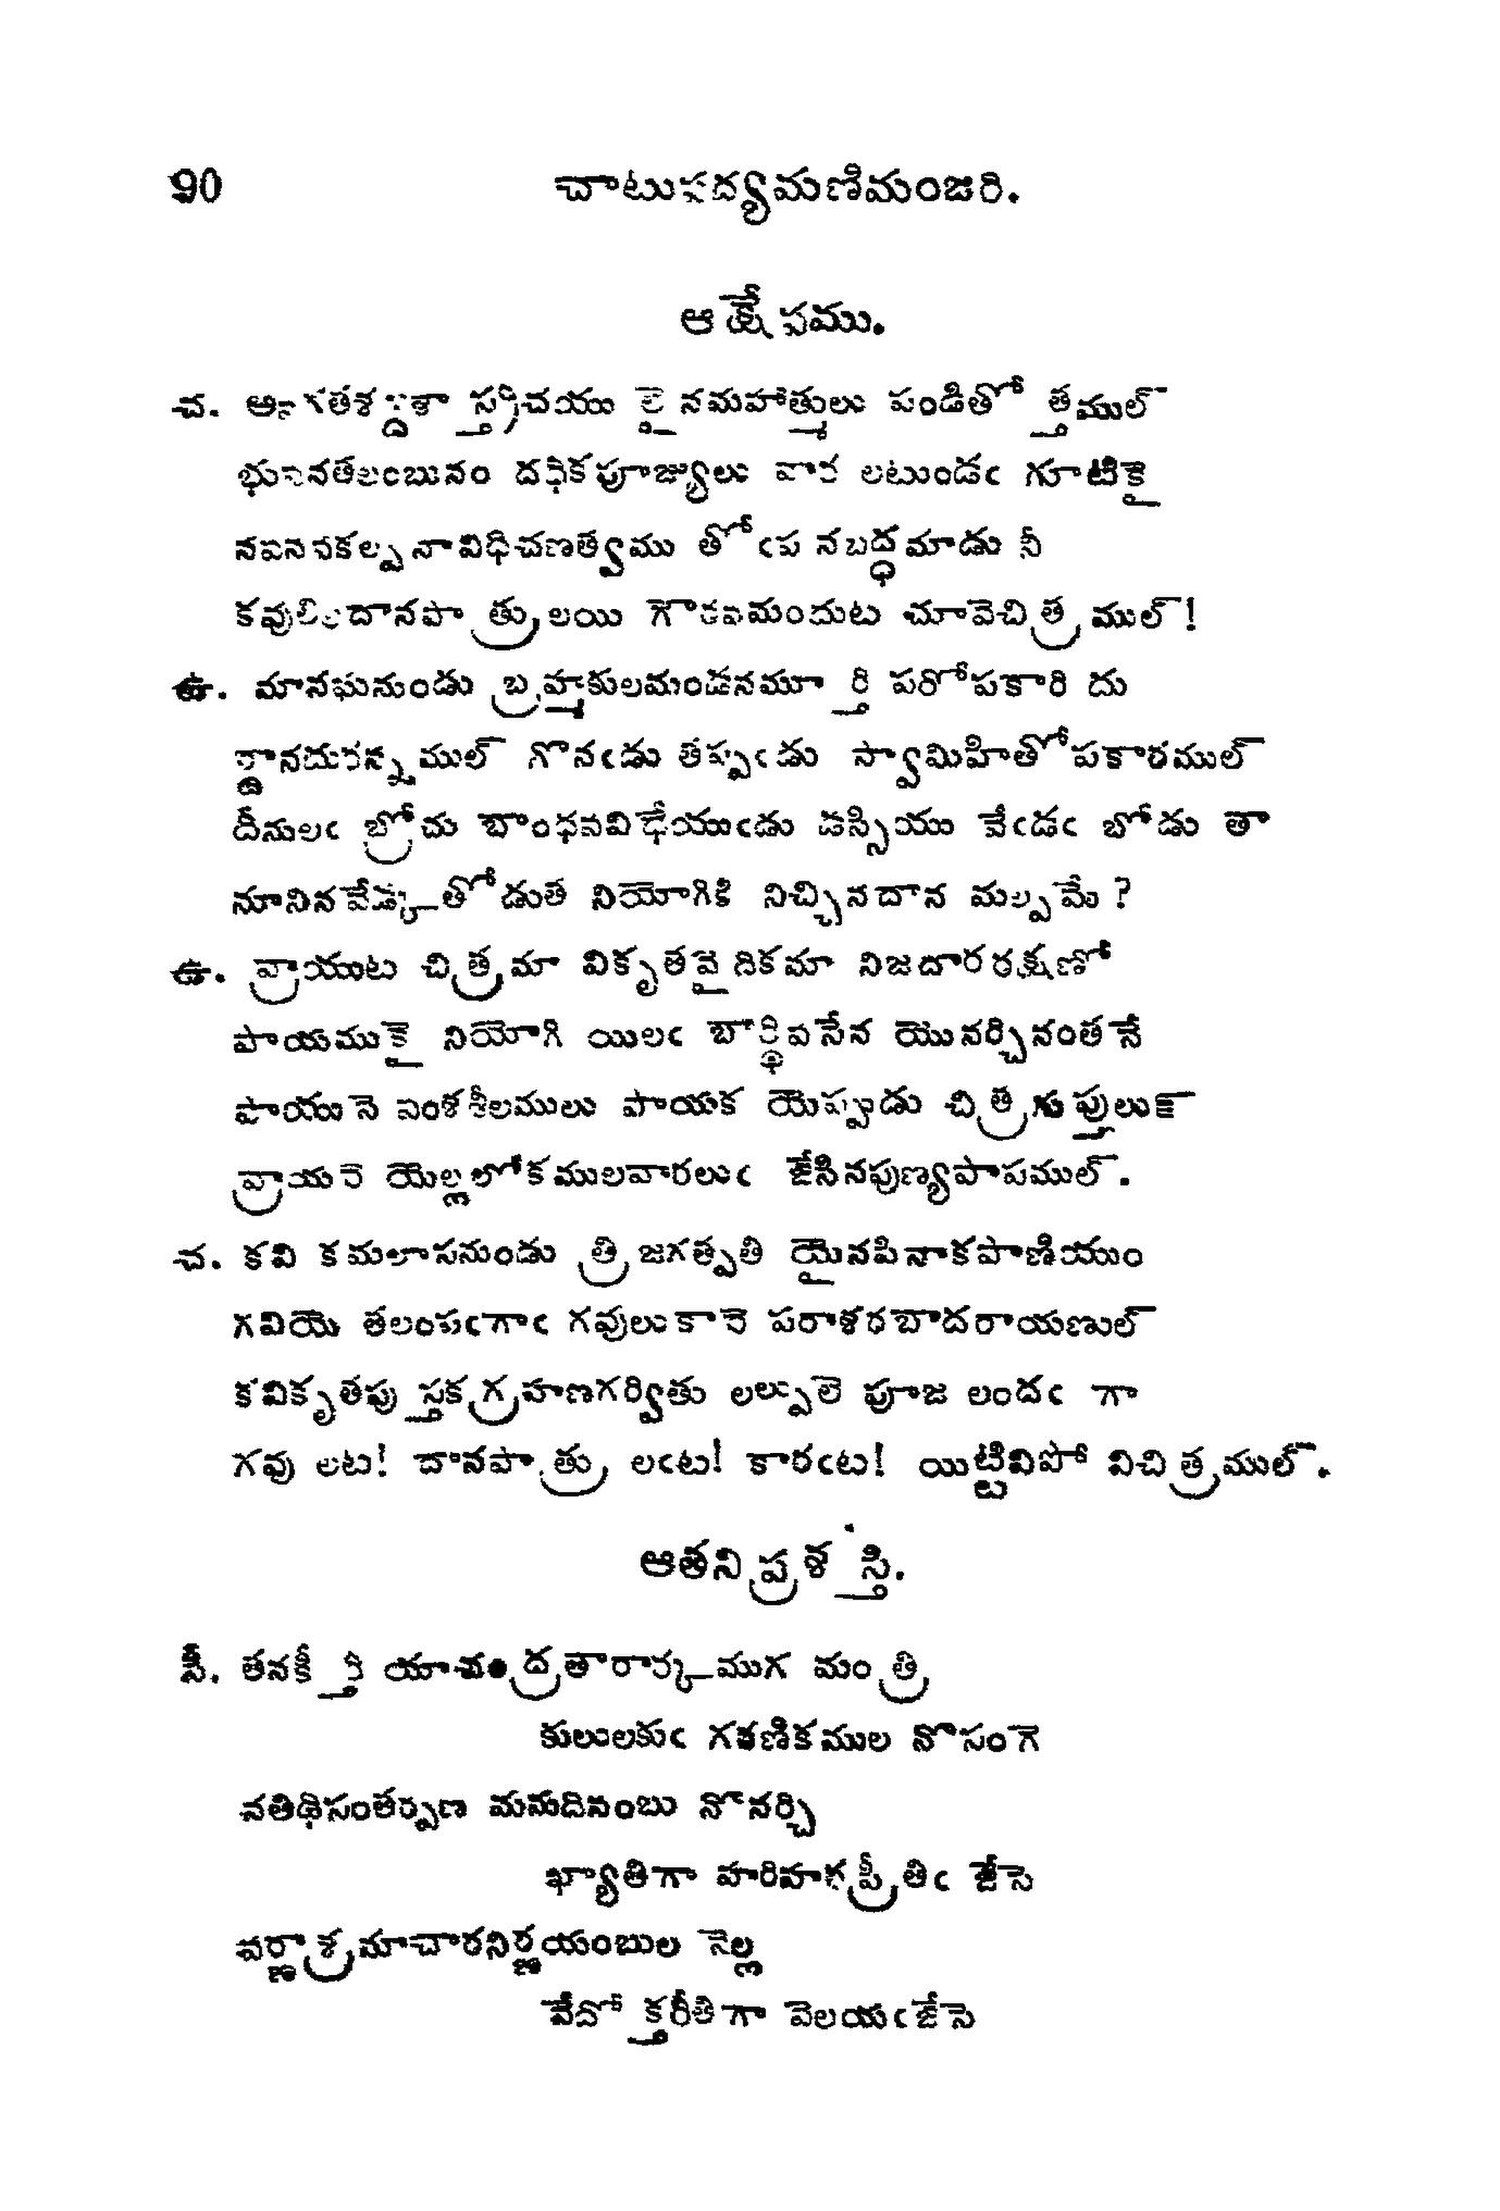చ. అవగతశబ్దశాస్త్రచయు లైన మహాత్ములు పండితోత్తముల్
 భువనతలంబునం దధికపూజ్యులు వార లటుండఁ గూటికై
 నవనవకల్పవావిధిచణత్వము తోఁప నబద్ధమాడు నీ
 కవు లిల దానపాత్రు లయి గౌరవమందుట చూవె చిత్రముల్!
ఉ. మానఘనుండు బ్రహ్మకులమండనమూర్తి పరోపకారి దు
 ర్దానదురన్నముల్ గొనఁడు తప్పఁడు స్వామిహితోపకారముల్
 దీనులఁ బ్రోచు బాంధవవిధేయుఁడు డస్సియు వేఁడఁ బోఁడు తా
 నూనినవేడ్కతోడుత నియోగికి నిచ్చినదాన మల్పమే!
ఉ. వ్రాయుట చిత్రమా వికృతవైదికమా నిజదారరక్షణో
 పాయముకై నియోగి యిలఁ బార్థివసేవ యొనర్చినంతనే
 పాయునె వంశశీలములు పాయక యెప్పుడు చిత్రగుప్తులున్
 వ్రాయరె యెల్లలోకములవారలుఁ జేసిన పుణ్యపాపముల్.
చ. కవి కమలాసనుండు త్రిజగత్పతి యైనపినాకపాణియుం
 గవియె తలంపఁగాఁ గవులుకారె పరాశరబాదరాయణుల్
 కవికృతపుస్తకగ్రహణగర్వితు లల్పులె పూజ లందఁ గాఁ
 గవు లఁట! దానపాత్రు లఁట! కారఁట! యిట్టివిపో విచిత్రముల్.

సీ. తనకీర్తి యాచంద్రతారార్కముగ మంత్రి
 కులులకుఁ గరణికముల నొసంగె
 నతిథిసంతర్పణ మనుదినంబు నొనర్చి
 ఖ్యాతిగా హరిహరప్రీతిఁ జేసె
 వర్ణాశ్రమాచారనిర్ణయంబుల నెల్ల
 వేదోక్తరీతిగా వెలయఁజేసె